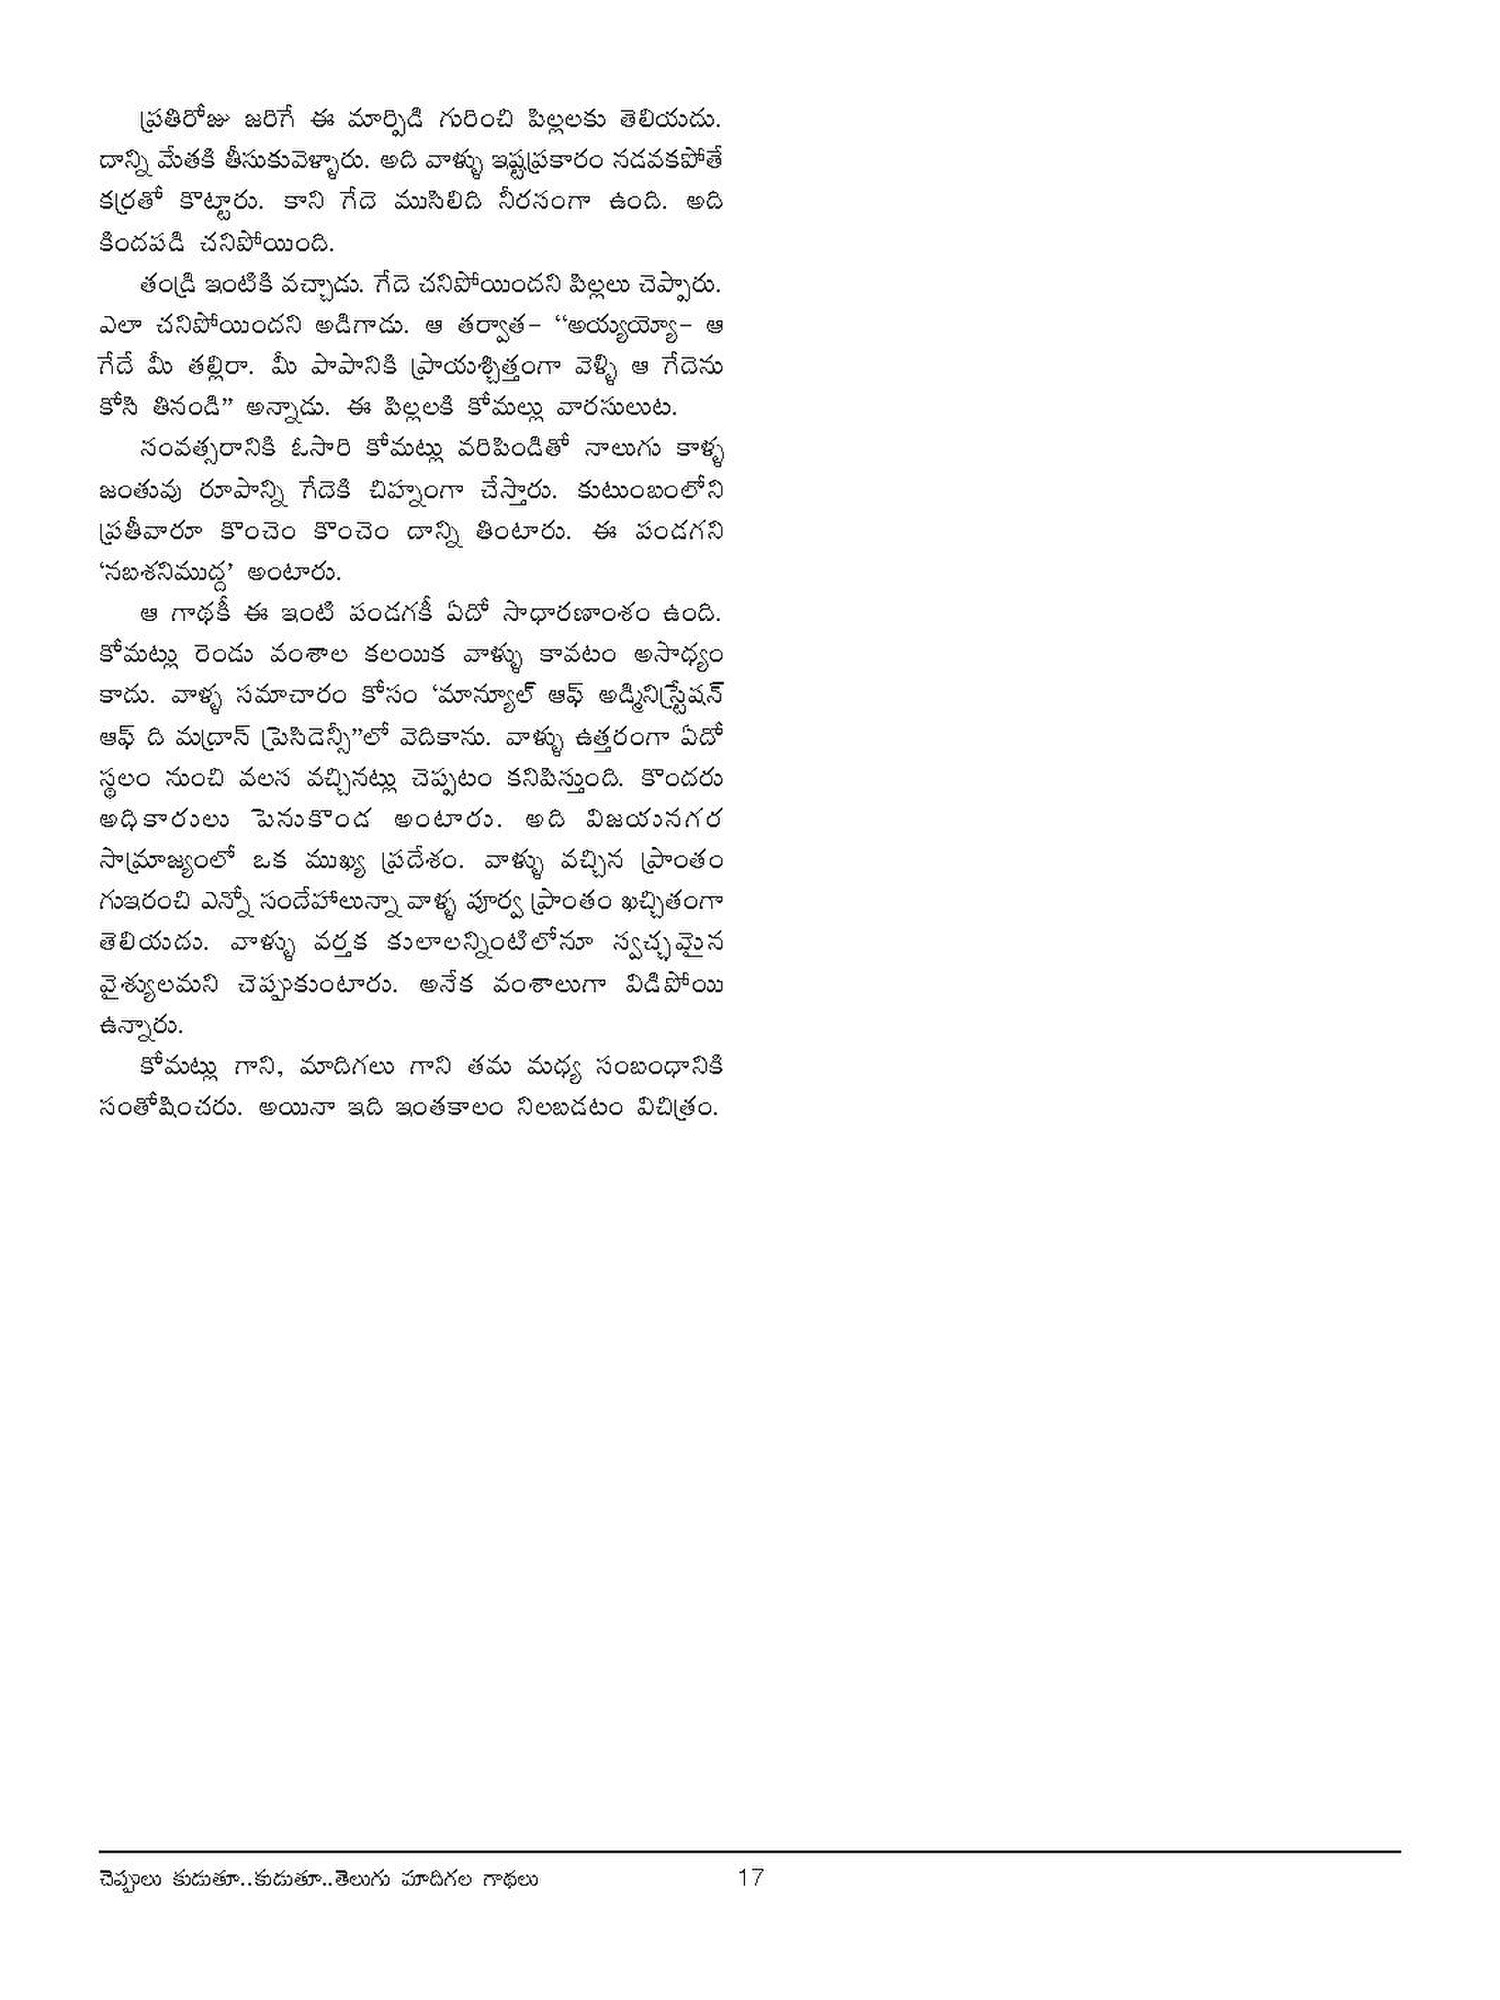ప్రతిరోజు జరిగే ఈ మార్పిడి గురించి పిల్లలకు తెలియదు.
దాన్ని మేతకి తీసుకువెళ్ళారు. అది వాళ్ళు ఇష్టప్రకారం నడవకపోతే
కర్రతో కొట్టారు. కాని గేదె ముసిలిది నీరసంగా ఉంది. అది
కిందపడి చనిపోయింది.

తండ్రి ఇంటికి వచ్చాడు. గేదె చనిపోయిందని పిల్లలు చెప్పారు.
ఎలా చనిపోయిందని అడిగాడు. ఆ తర్వాత "అయ్యయ్యో ఆ
గేదే మీ తల్లిరా. మీ పాపానికి ప్రాయశ్చిత్తంగా వెళ్ళి ఆ గేదెను
కోసి తినండి" అన్నాడు. ఈ పిల్లలకి కోమల్లు వారసులుట.

సంవత్సరానికి ఓసారి కోమట్లు వరిపిండితో నాలుగు కాళ్ళ
జంతువు రూపాన్ని గేదెకి చిహ్నంగా చేస్తారు. కుటుంబంలోని
ప్రతీవారూ కొంచెం కొంచెం దాన్ని తింటారు. ఈ పండగని
'నబశనిముద్ద' అంటారు.

ఆ గాథకీ ఈ ఇంటి పండగకీ ఏదో సాధారణాంశం ఉంది.
కోమట్లు రెండు వంశాల కలయిక వాళ్ళు కావటం అసాధ్యం
కాదు. వాళ్ళ సమాచారం కోసం 'మాన్యూల్ ఆఫ్ అడ్మినిస్ట్రేషన్
ఆఫ్ ది మద్రాస్ ప్రెసిడెన్సీ"లో వెదికాను. వాళ్ళు ఉత్తరంగా ఏదో
స్థలం నుంచి వలస వచ్చినట్లు చెప్పటం కనిపిస్తుంది. కొందరు
అధికారులు పెనుకొండ అంటారు. అది విజయనగర
సామ్రాజ్యంలో ఒక ముఖ్య ప్రదేశం. వాళ్ళు వచ్చిన ప్రాంతం
గుఇరంచి ఎన్నో సందేహాలున్నా వాళ్ళ పూర్వ ప్రాంతం ఖచ్చితంగా
తెలియదు. వాళ్ళు వర్తక కులాలన్నింటిలోనూ స్వచ్ఛమైన
వైశ్యులమని చెప్పుకుంటారు. అనేక వంశాలుగా విడిపోయి
ఉన్నారు.

కోమట్లు గాని, మాదిగలు గాని తమ మధ్య సంబంధానికి
సంతోషించరు. అయినా ఇది ఇంతకాలం నిలబడటం విచిత్రం.